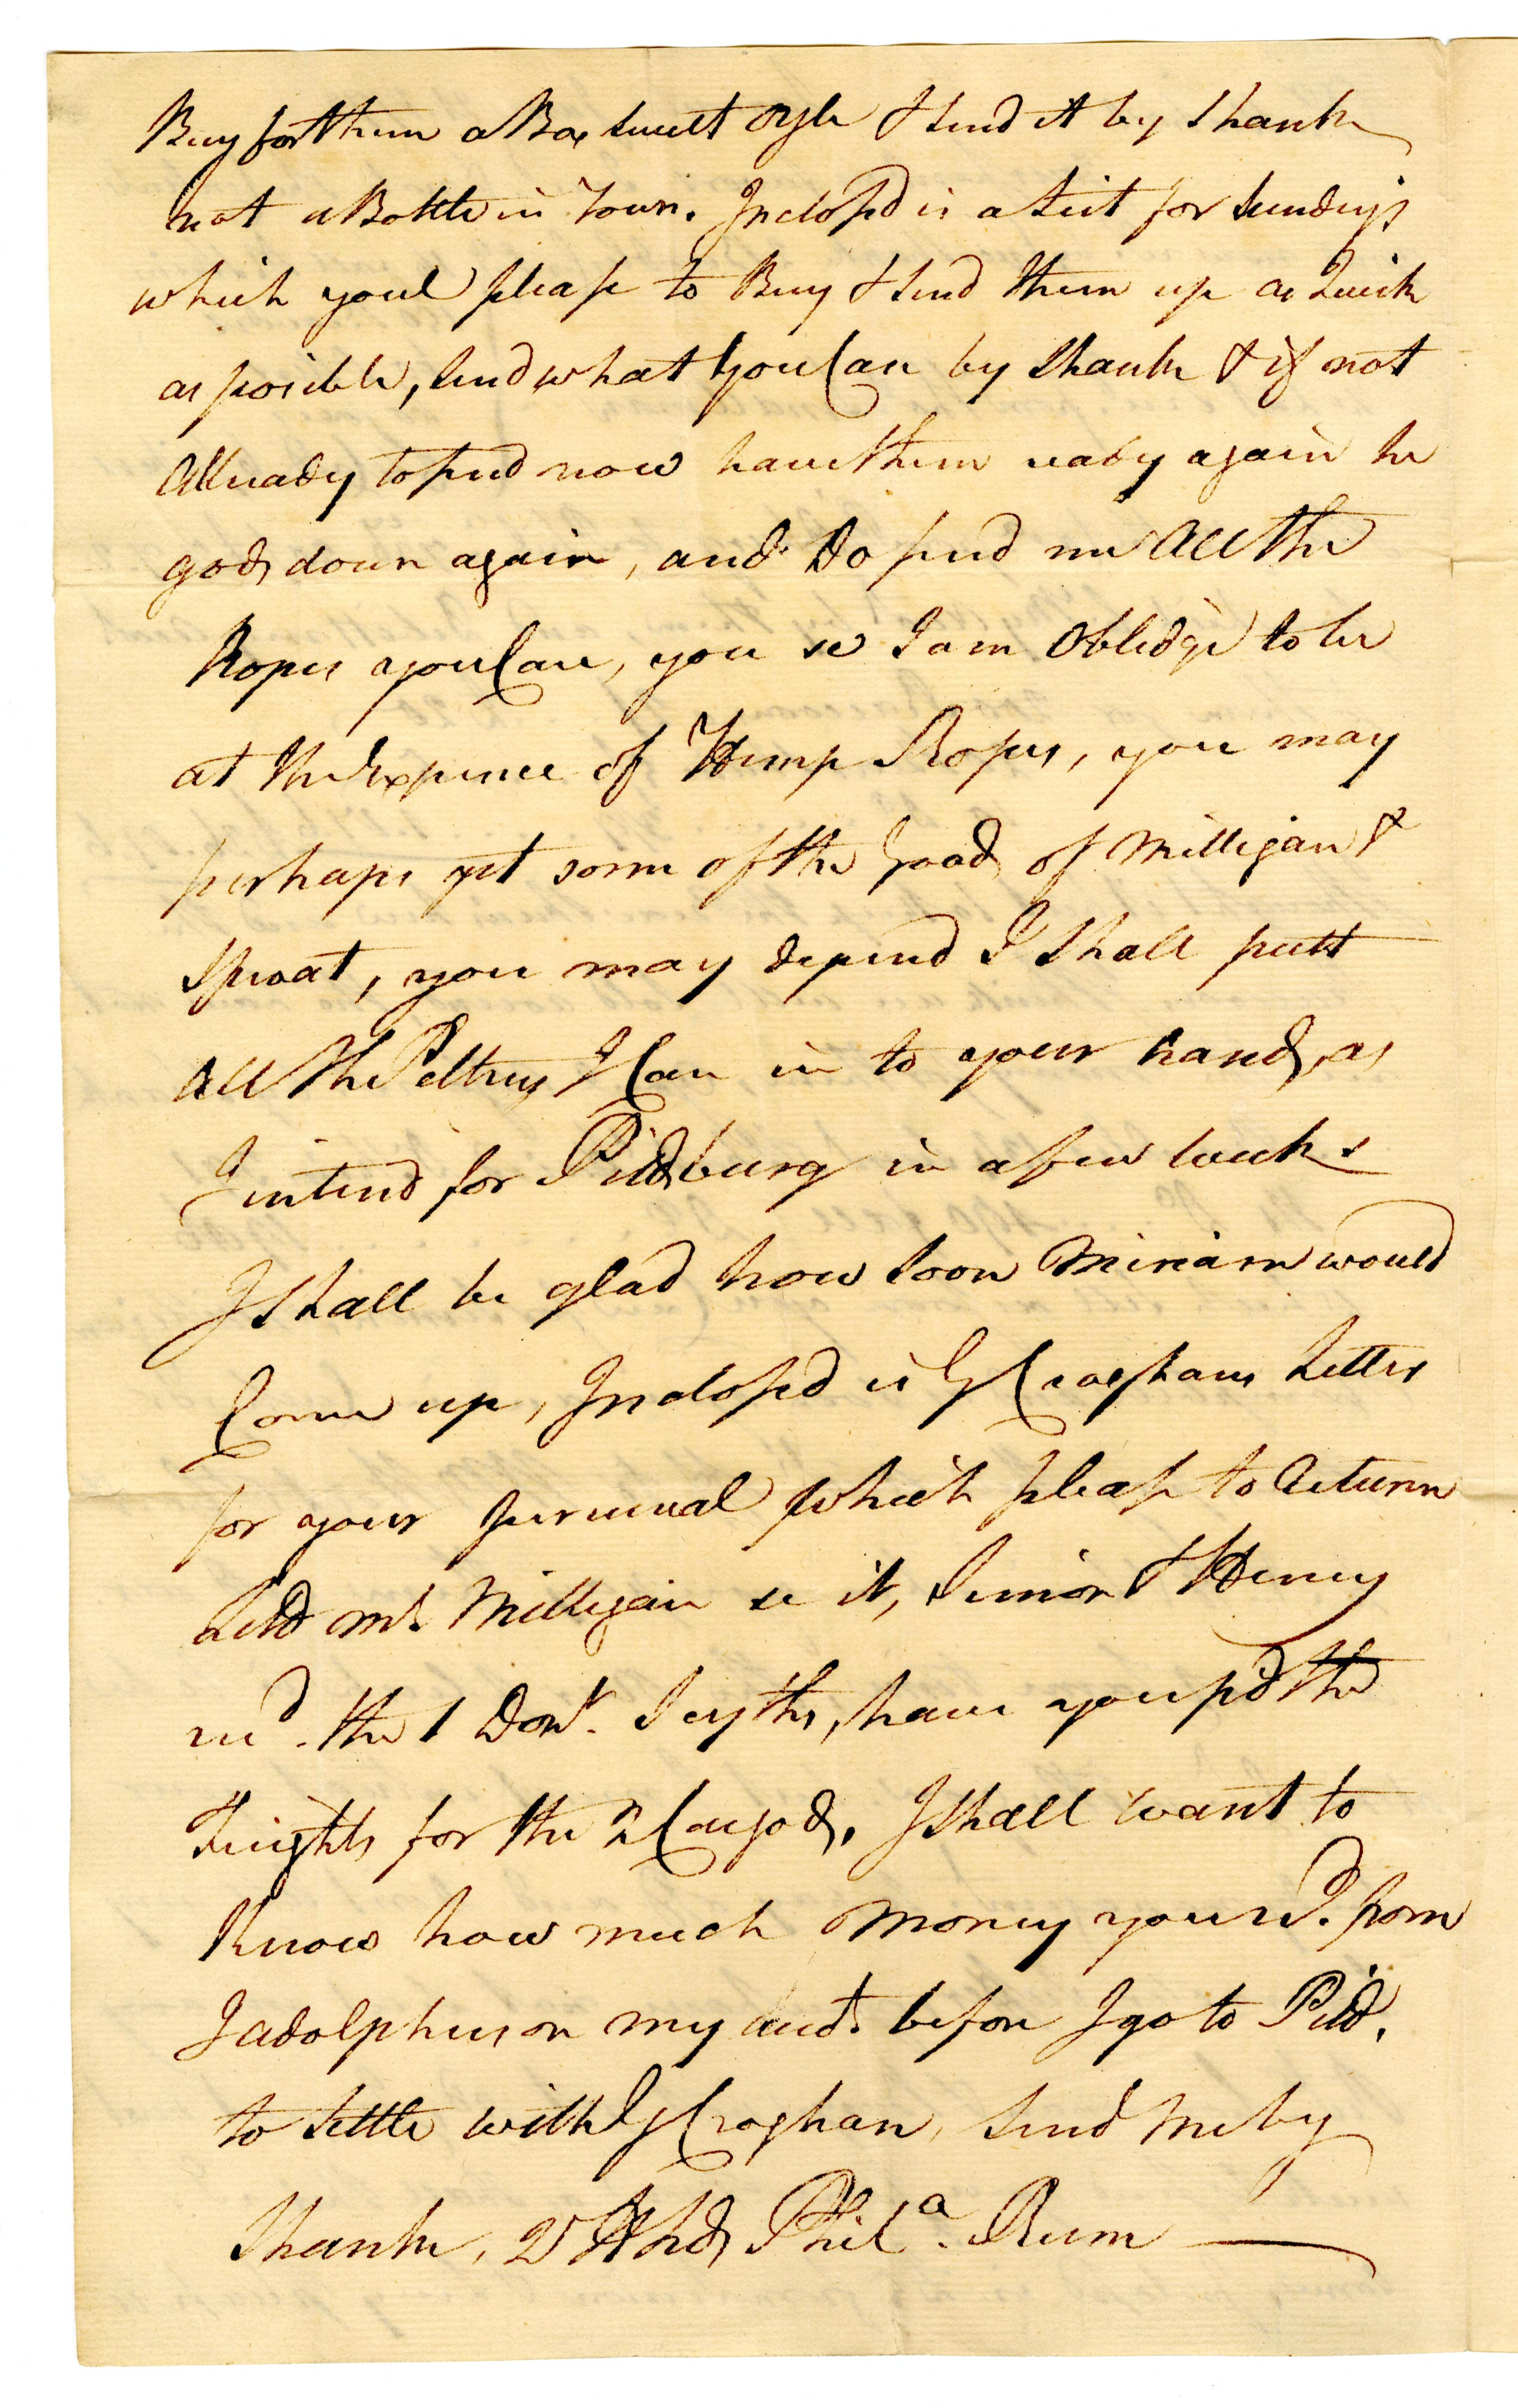Buy for them as Bo sweet oyle & send it by shank
not a Bottle in town. Inclosed is a list for sundrys
which youl please to Buy & send them up as Quick
as posible, send what you can by Shank & if not
Already to pud now have them ready again he
goes, down again, and Do send me all the
Ropes you care, you se I am Oblidge to be
at the expence of Hemp Ropes, you may
perhaps get some of the goods of Milligan &
Sproat, you may depend I shall putt
all the Peltry I Can in to your hands as
I intend for Pitdsberg in a few weeks
I shall be glad how soon Miriam would
Come up, Inclosed is G Croghans letter
for your perusual which please to return
Letd m^r Milligan se it, Simon & Henry
rec^d. the 1 Don^t. Scyths, have you pd the
Leights for the 2 Cause &, I shall want to
Know how much money you re^d. from
G Adolphus on my acco^t. before I go to Pitd.
to settle with Croghan, send me by
Shank, 2 Hhds Phil^a. Rum-